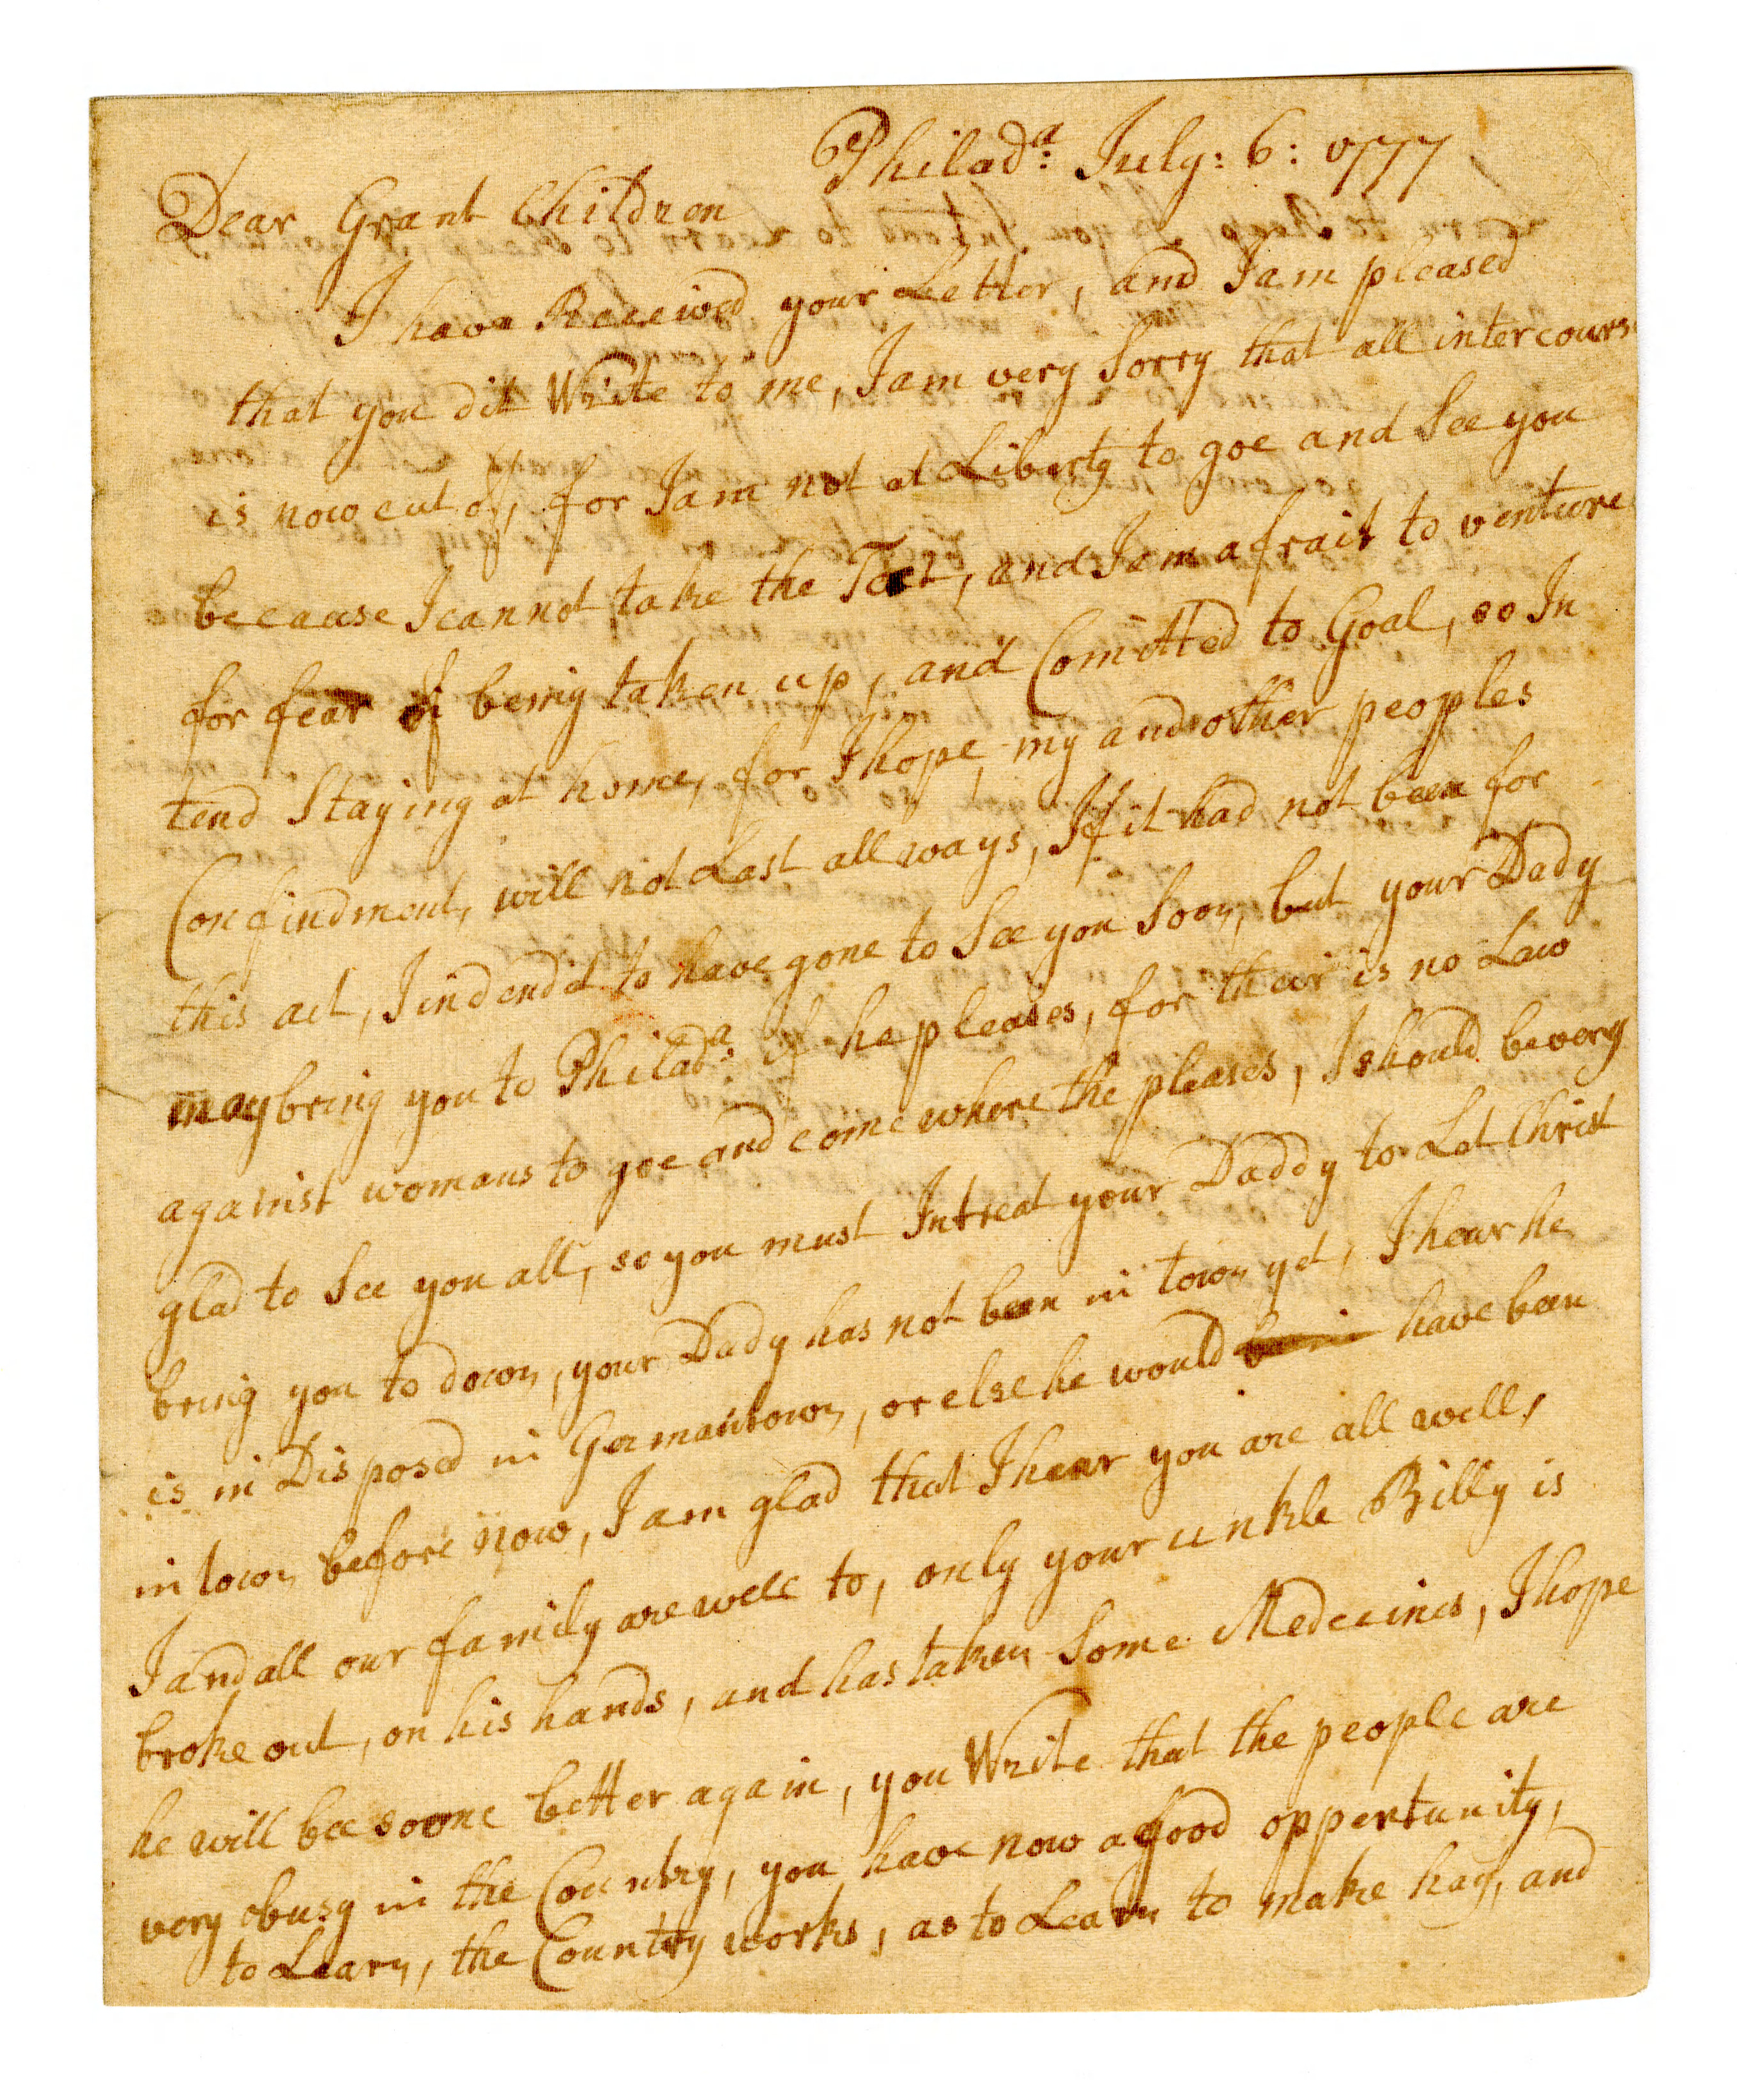Philad^a: July: 6: 1777
Dear Grant Children
I have Received your Letter, and I am pleased
that you did Write to me, I am very Sorry that all intercourse
is now cut of, for I am not at Liberty to goe and See you
because I cannot take the Tact, and I am afraid to venture
for fear of being taken up and Comitted to Goal, so In
tend Staying at home, for I hope my and other peoples
Confindment will not Last allways, If it had not been for
this act, I indended to have gone to See you Soon, but your Dady
may bring you to Philad^a if he pleases, for their is no Law
against womans to goe an come where the pleaes, I should be very
glad to See you all, so you must Intreat your Daddy to Let Christ
bring you to down, your Dady has not been in town yet, I hear he
is in Disposed in Germantown, or else he would have been
in town before now, I am glad that I hear you are all well,
I and all our family are well to, only your unkle Billy is
broke out, on his hands, and has taken some Medecines, I hope
he will bee soone better again, you Write that the people are
very busy in the Country, you have now a good oppertunity,
to Learn, the Country works, as to Learn to make hay, and